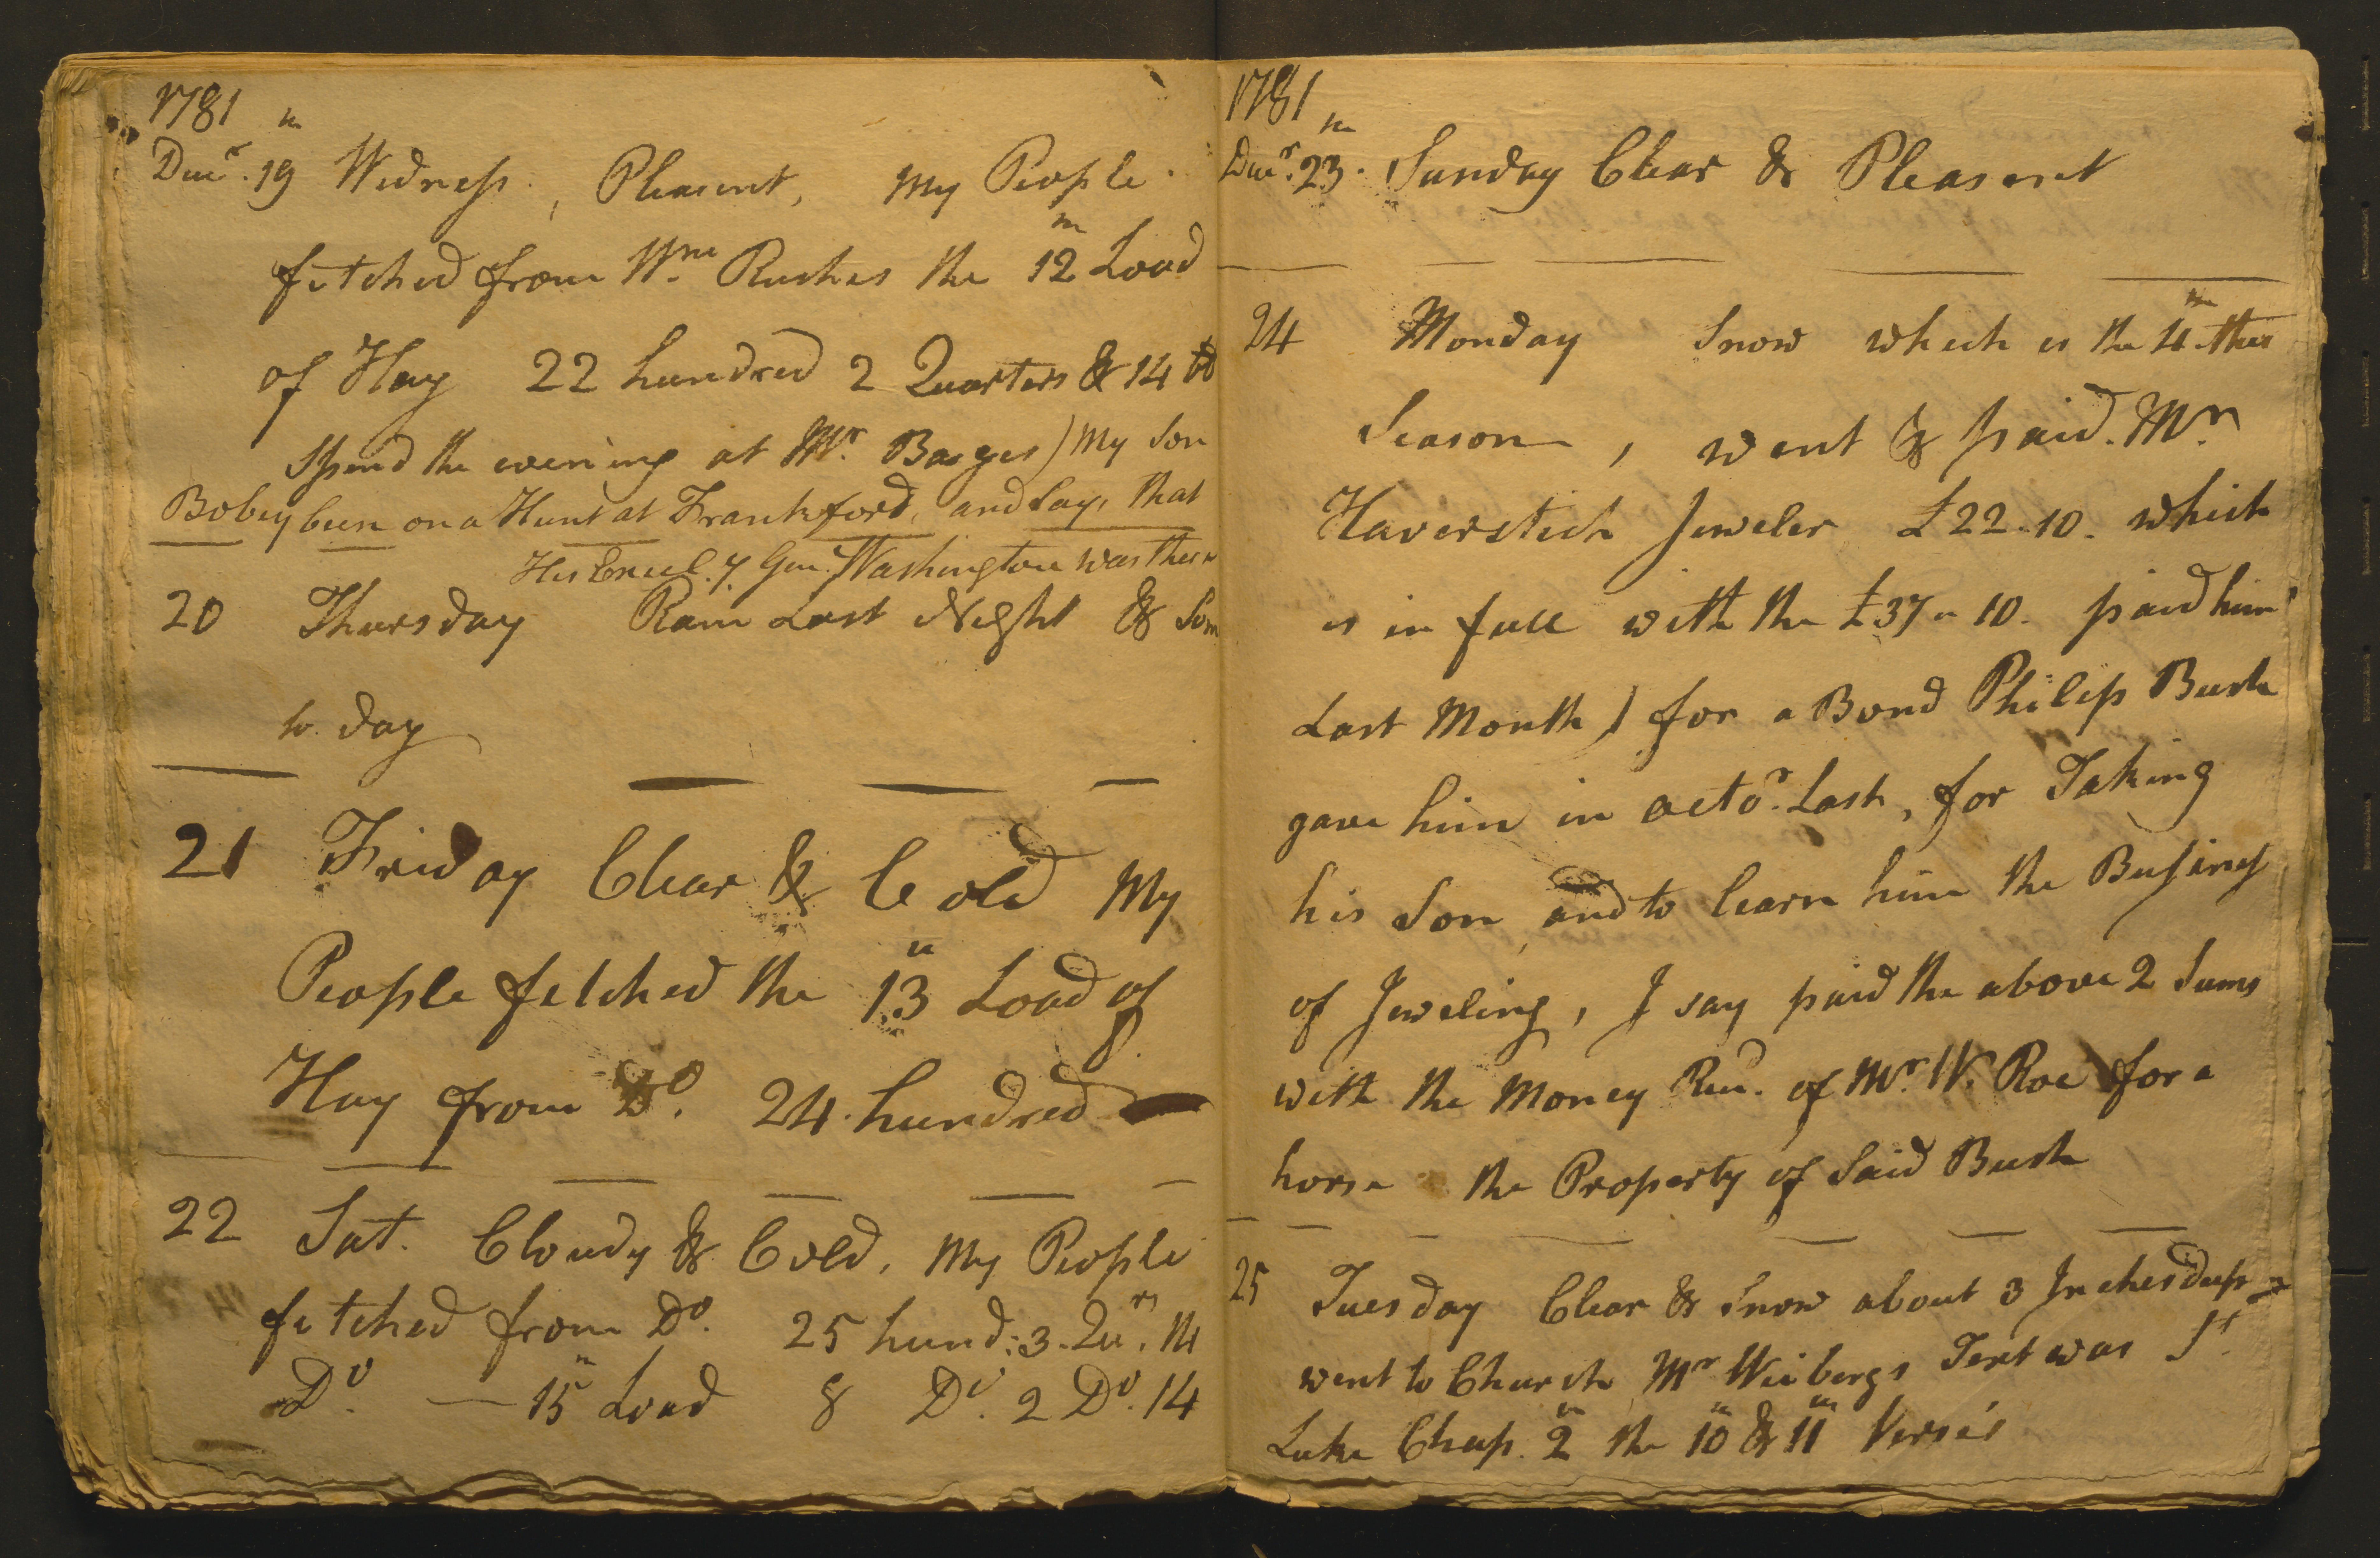1781
Dec^r. 19 Wednes, Pleasent, My People
fetched from W^m. Rushes the 12^th Load
of Hay 22 hundred 2 Quarters & 14 lb
spend the evening at M^r. Barges/ My Son
Bobey been on a Hunt at Frankford. and says that
His Excel^y. Gen^l. Washington was there
20 Thursday Rain Last Night & Som
to day
21 Friday Clear & Cold My
People fetched the 13^th Load of
Hay from D^o. 24 hundred
22 Sat. Cloudy & Cold, My People
fetched from D^o. 25 hund: 3. Qu^rs. 14
D^o.- 15^th Load 8 D^o. 2 D^o. 14
1781
Dec^r. 23^th. Sunday Clear & Pleaseret
24 Monday Snow which is the 4^th this
Season, went & paid M^r.
Haverstich Jeweler £22.10. which
is in full with the £37..10. paid him
Last Month ) for a Bond Philip Bush
gave him in octo^r. Last, for Taking
his Son and to learn him the Busines
of Jeweling, I say paid the above 2 Sums
with the Money Rec^d. of M^r. W. Roe for a
horse the Property of Said Bush
25 Tuesday Clear & snow about 3 Inches deep
went to Church M^r. Weiberg's Text was S^t.
Luke Chap. 2^th the 10^th & 11^th Verse's